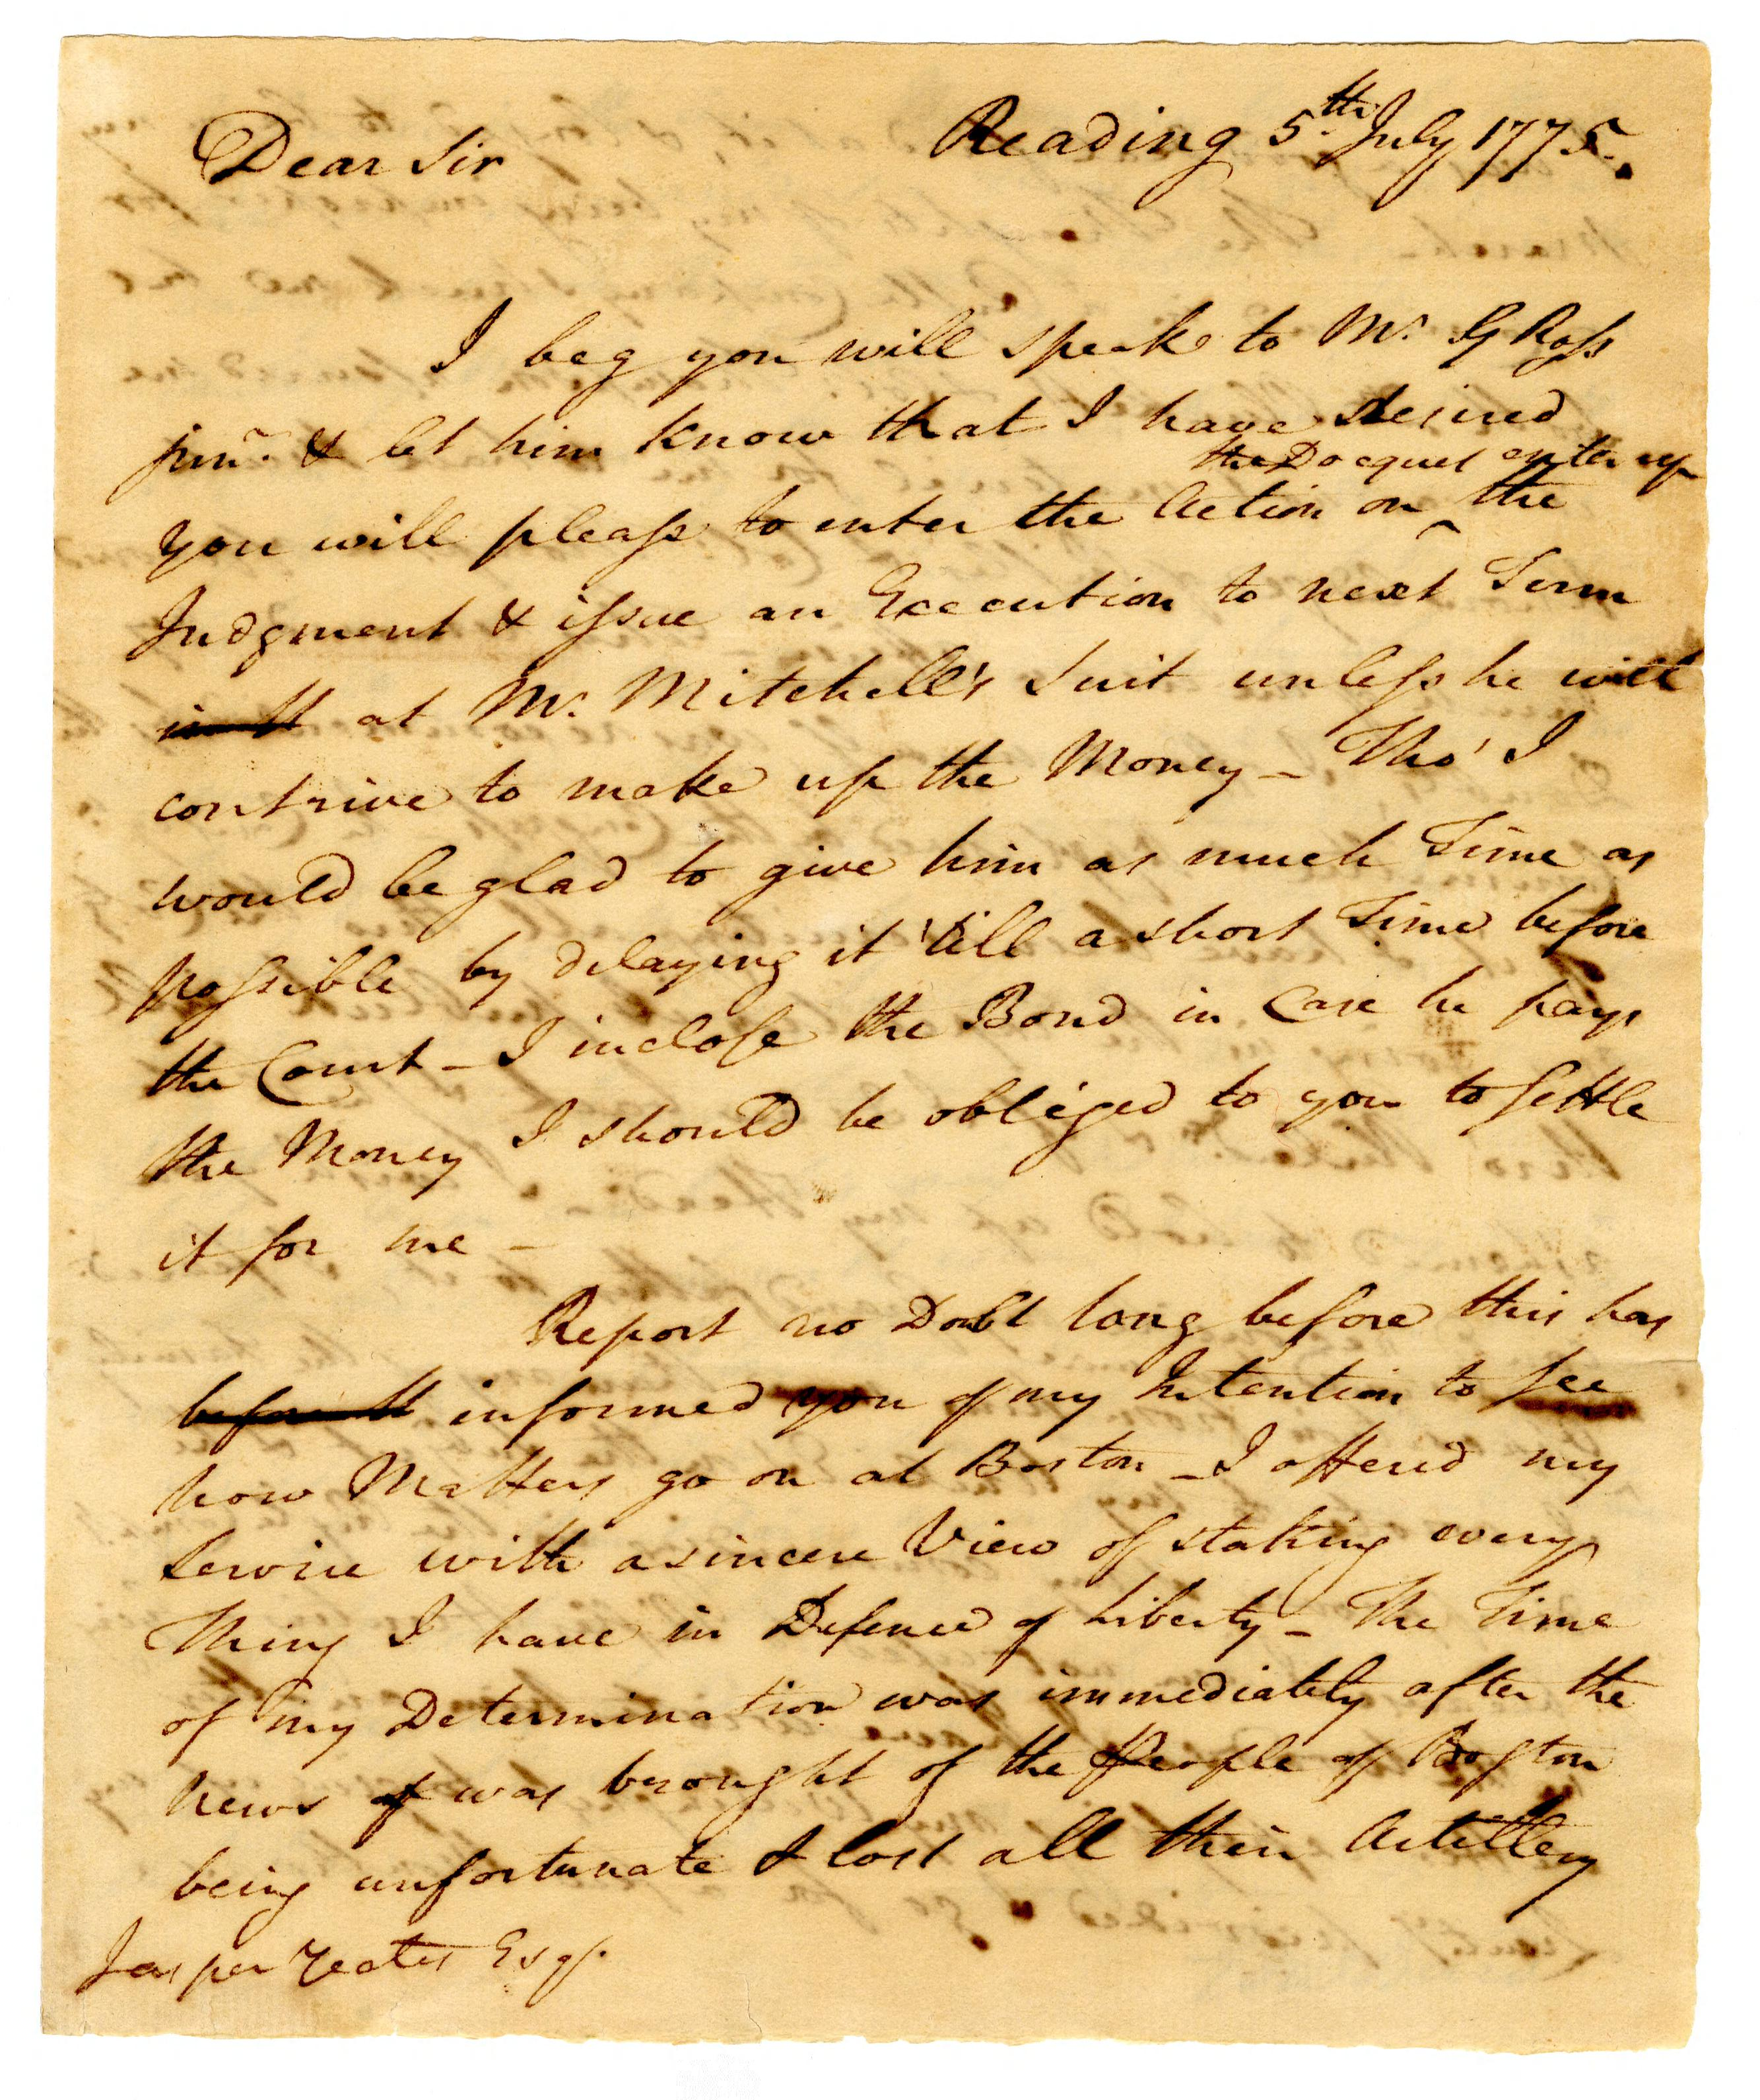Reading 5^th. July 1775.
Dear Sir
I beg you will speak to M^r. G Ross
sen^r. & let him know that I have desired
the Docquet enter up
you will please to enter the Action on ^ the
Judgment & issue an Execution to next Term
is all at M^r. Mitchell's Suit unless he will
contrive to make up the Money. Tho' I
would be glad to give him as much Time as
possible by delaying it 'All a short Time before
the Court. I inclose the Bond in Case he pays
the money I should be obliged to you to settle
it for me.
Report no Doubt long before this has
[before] all informed you of my Intention to see
how Matters go on at Boston. I offered my
Service with a sincere View of staking every
thing I have in Defence of Liberty. The Time
of my Determination was immediately after the
news of war brought of the People of Boston
being unfortunate & lost all their Artillery
Jasper Yeates Esq^r